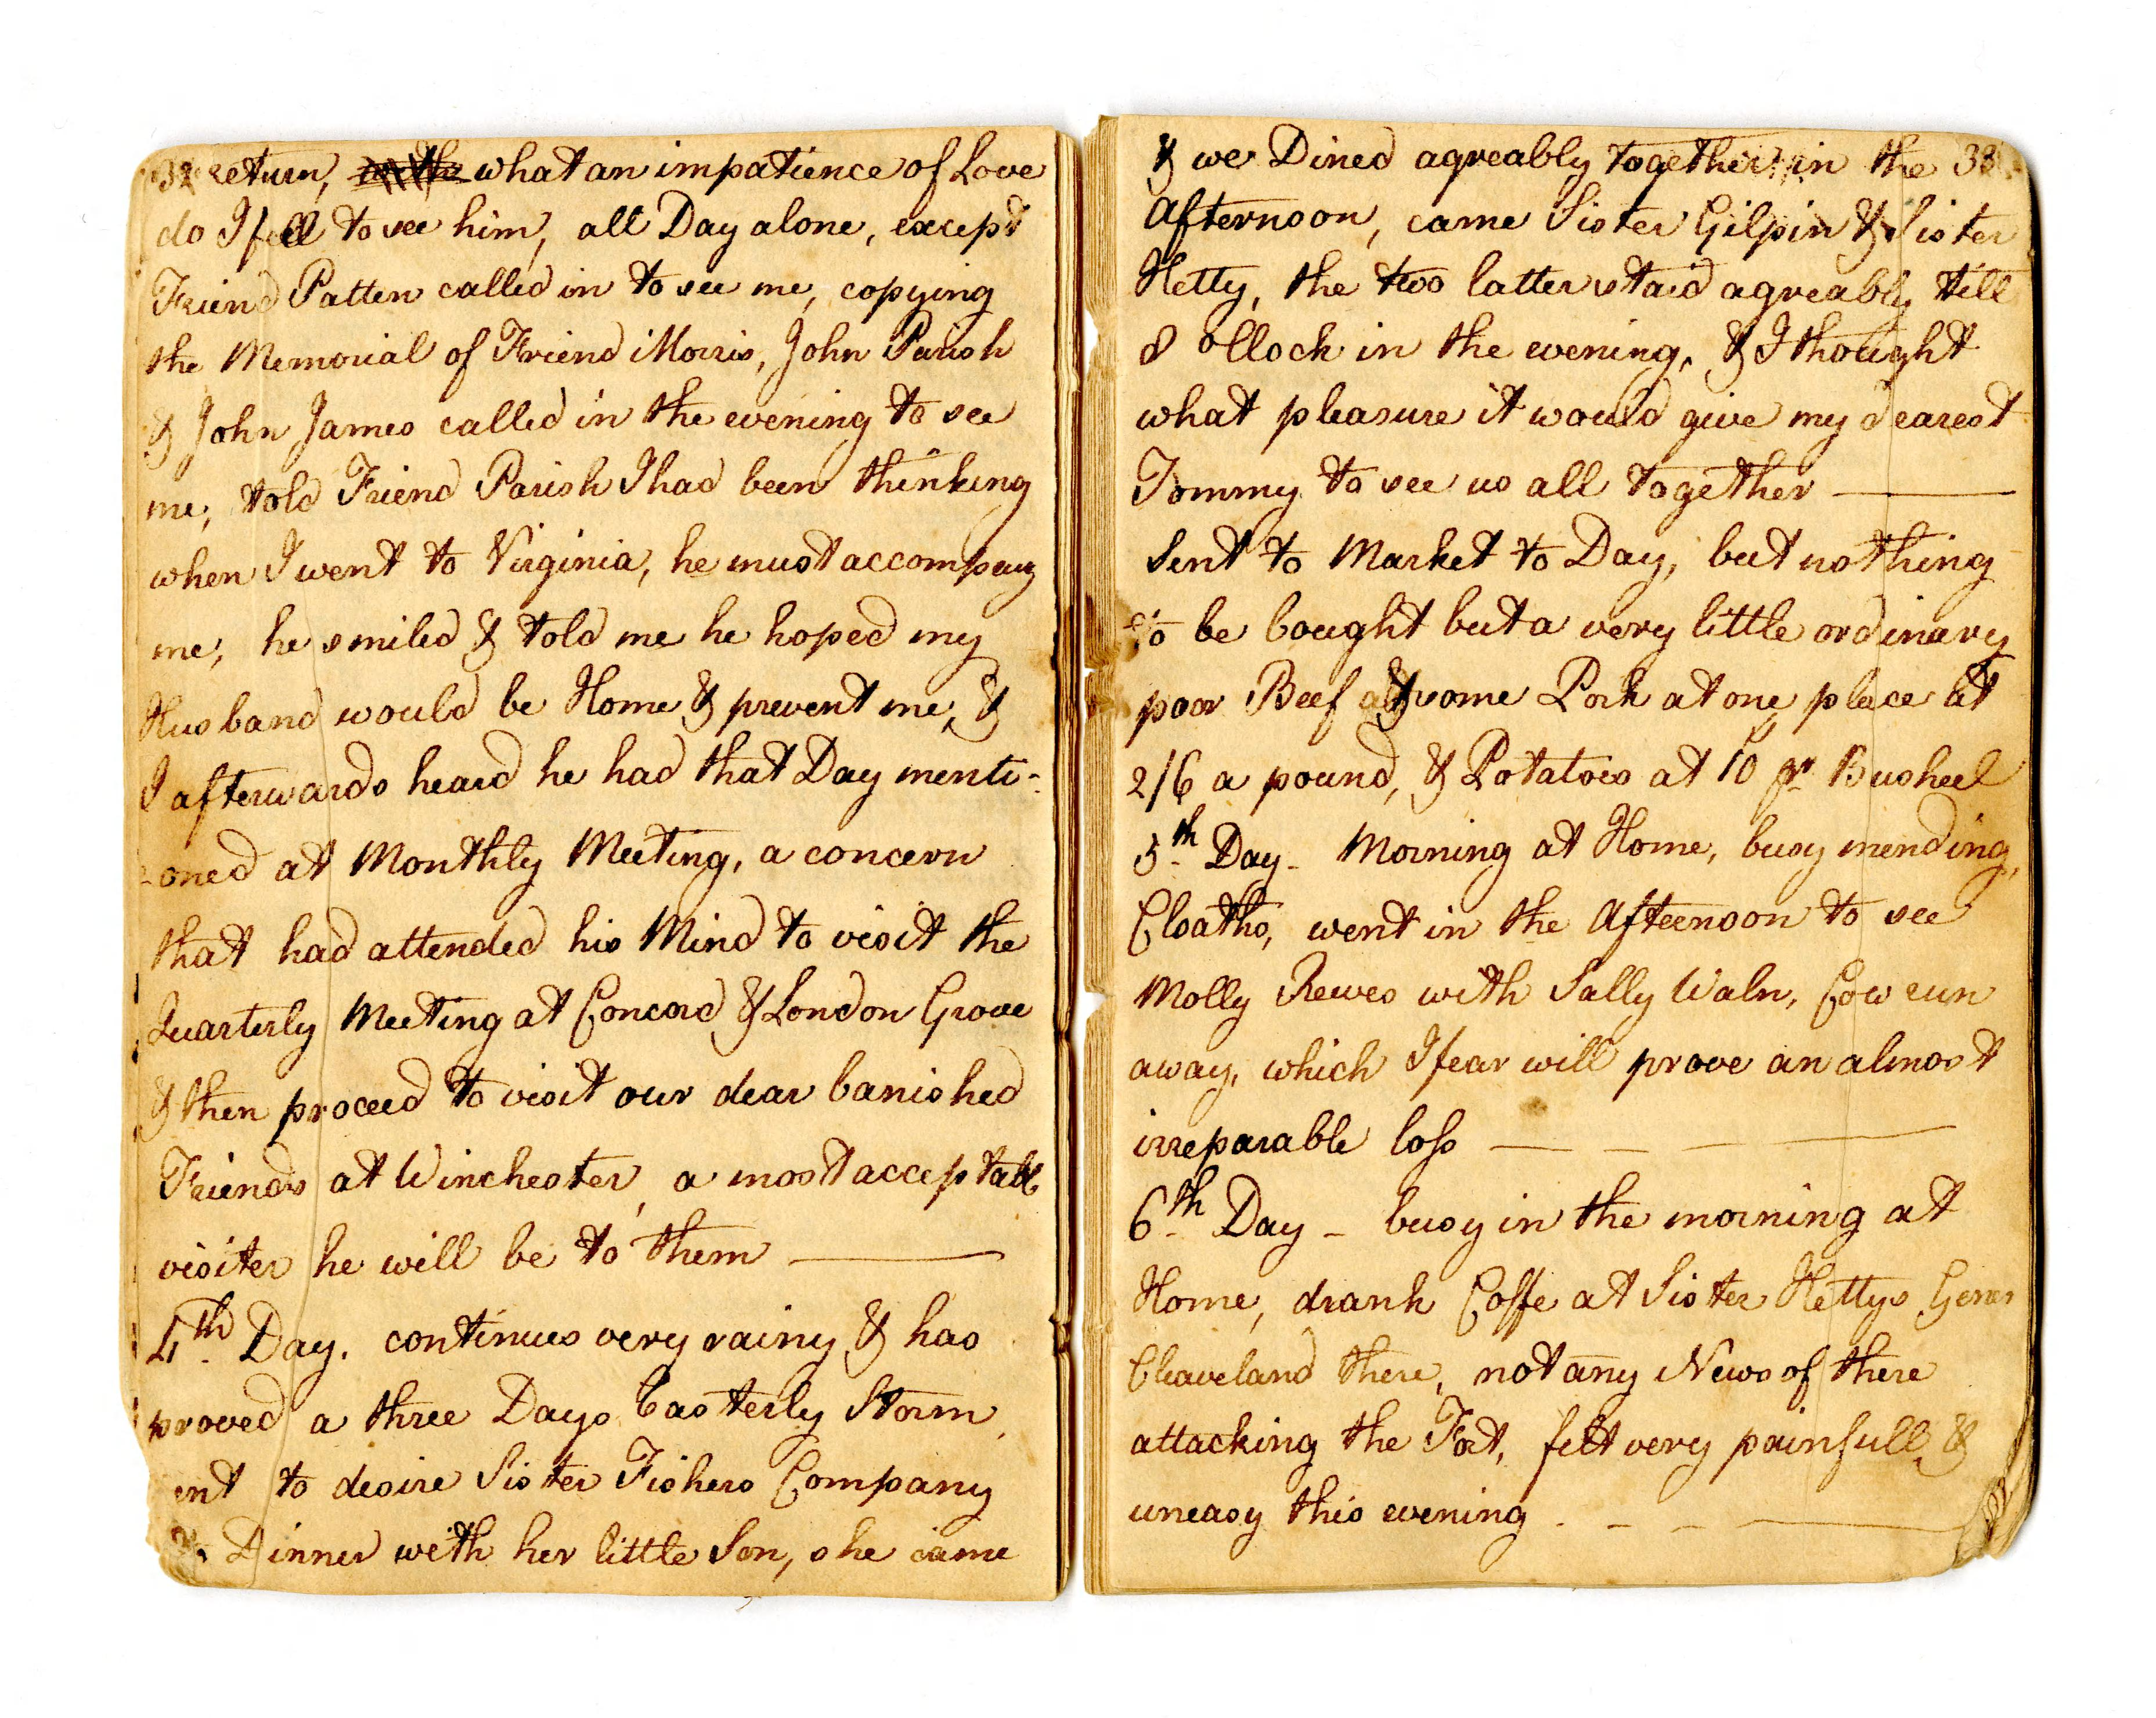return, [with] what an impatience of Love
do I feell to see him, all Day alone, except
Friend Patten called in to see me, copying
the Memorial of Friend Morris, John Parish
& John James called in the evening to see
me, told Friend Parish I had been thinking
when I went to Virginia, he must accompany
me, he smiled & told me he hoped my
Husband would be Home & prevent me, &
I afterwards heard he had that Day menti-
-oned at Monthly Meeting, a concern
that had attended his Mind to visit the
Quarterly Meeting at Concord & London Grove
& then proceed to visit our dear banished
Friends at Winchester a most acceptable
visiter he will be to them-
4^th Day. continues very rainy & has
proved a three Days Easterly Storm,
ent to desire Sister Fishers Company
Dinner with her little Son, she came
& we Dined agreably together in the 33
Afternoon, came Sister Gilpin & of Sister
Hetty, the two latter staid agreably till
8 ^o Clock in the evening, & I thought
what pleasure it would give my dearest
Tommy to see us all together-
Sent to Market to Day, but nothing
to be bought but a very little ordinary
poor Beef & some Pork at one place at
2s6 a pound, & Potatoes at 10 per Busheel
5^th Day- Morning at Home, busy mending,
Cloaths, went in the Afternoon to see
Molly Reeves with Sally Waln, Cow run
away, which I fear will prove an almost
irreparable loss-
6^th Day- busy in the morning at
Home, drank Coffe at Sister Hettys Gener
Cleaveland there, not any News of there
attaching the Fort, felt very painfull &
uneasy this evening---